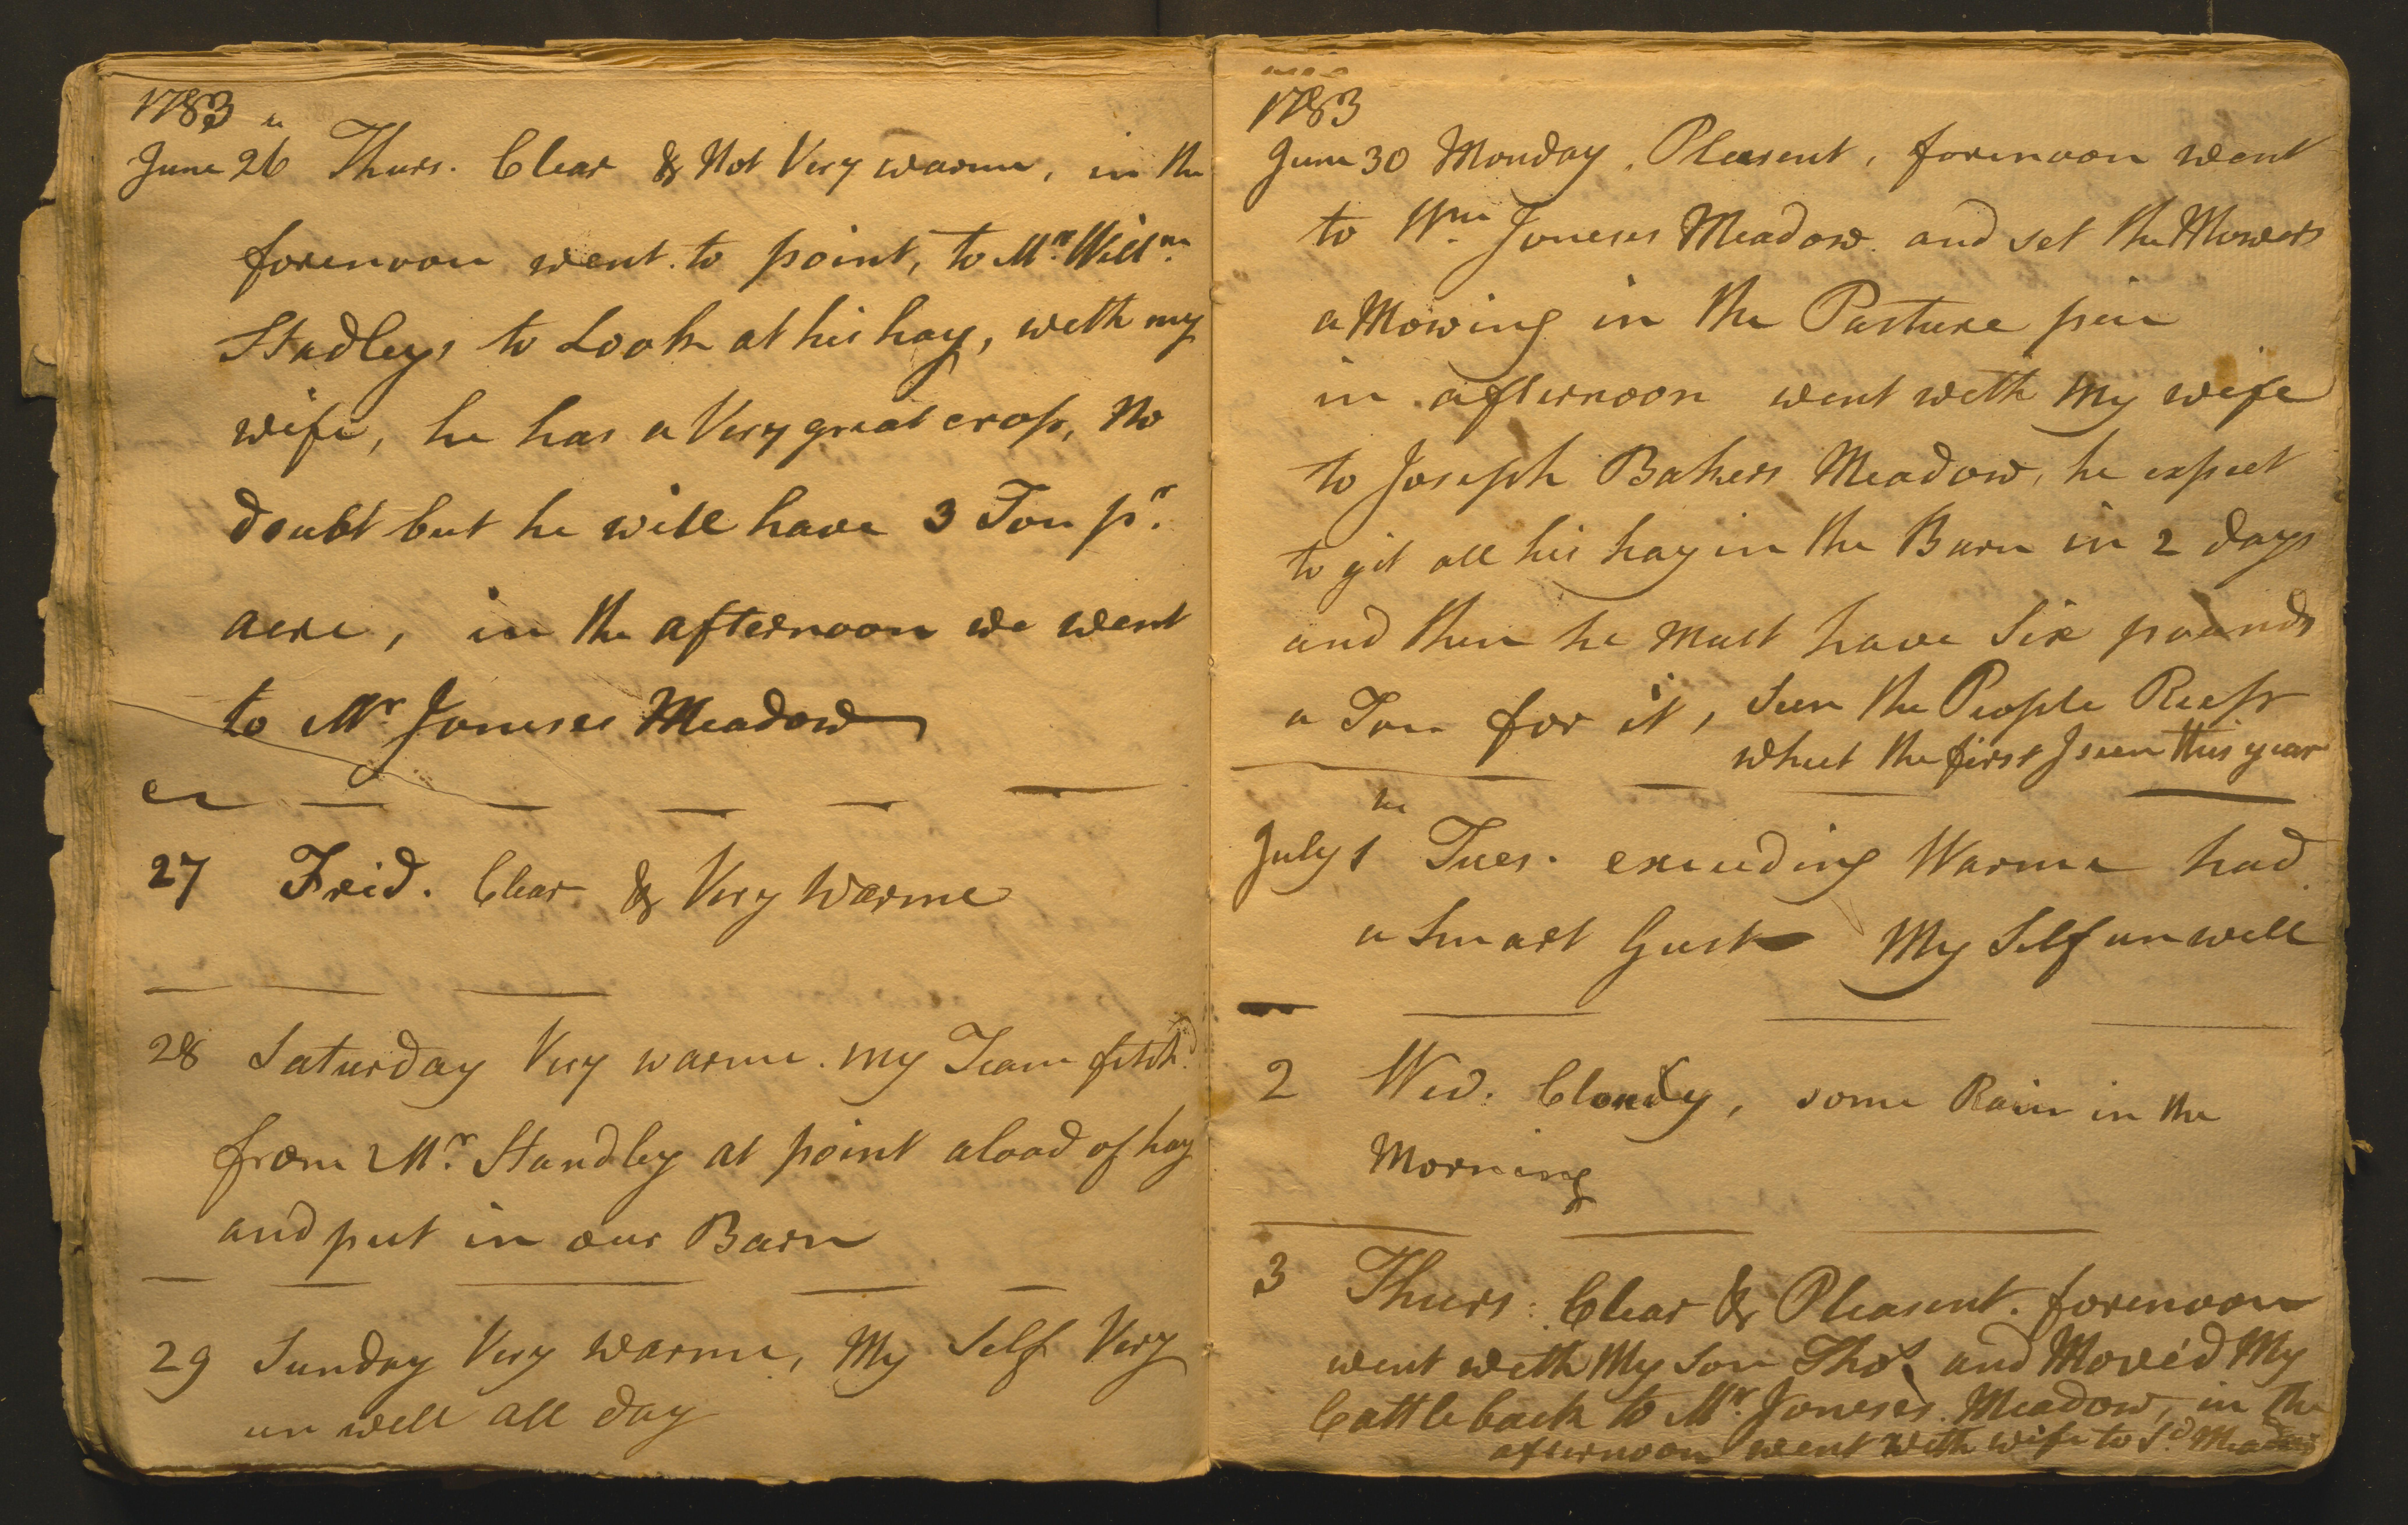1783
June 26^th Thurs. Clear & Not Very warme, in the
forenoon went to point, to M^r. Will^m.
Stadleys to Look at his hay, with my
wife, he has a Very great crop, No
doubt but he will have 3 Ton p^r.
acre, in the afternoon we went
to M^r. Joneses Meadow
27 Frid. Clear. & Very Warme
28 Saturday Very warme. my Team fetch^d:
from M^r. Standley at point a load of hay
and put in our Barn
29 Sunday Very warme, My Self Very
unwell all day
1783
June 30 Monday, Pleasent, forenoon went
to W^m. Joneses Meadow, and set the Mowers
a Mowing in the Pasture pice
in afternoon went with My wife
to Joseph Bakers Meadow, he expect
to get all his hay in the Barn in 2 days
and then he must have six pounds
a Ton for it, seen the People Reep
wheet the first I seen this year
July 1 Tues: exieeding Warme had
a smart Gust My self unwell
2 Wed. Cloudy, some Rain in the
Morning
5 Thurs. Clear & Pleasent. forenoon
went with My son Tho^s. and Moved My
Cattle back to M^r. Joneses. Meadow, in the
afternoon went with wife to S^d. Meadow